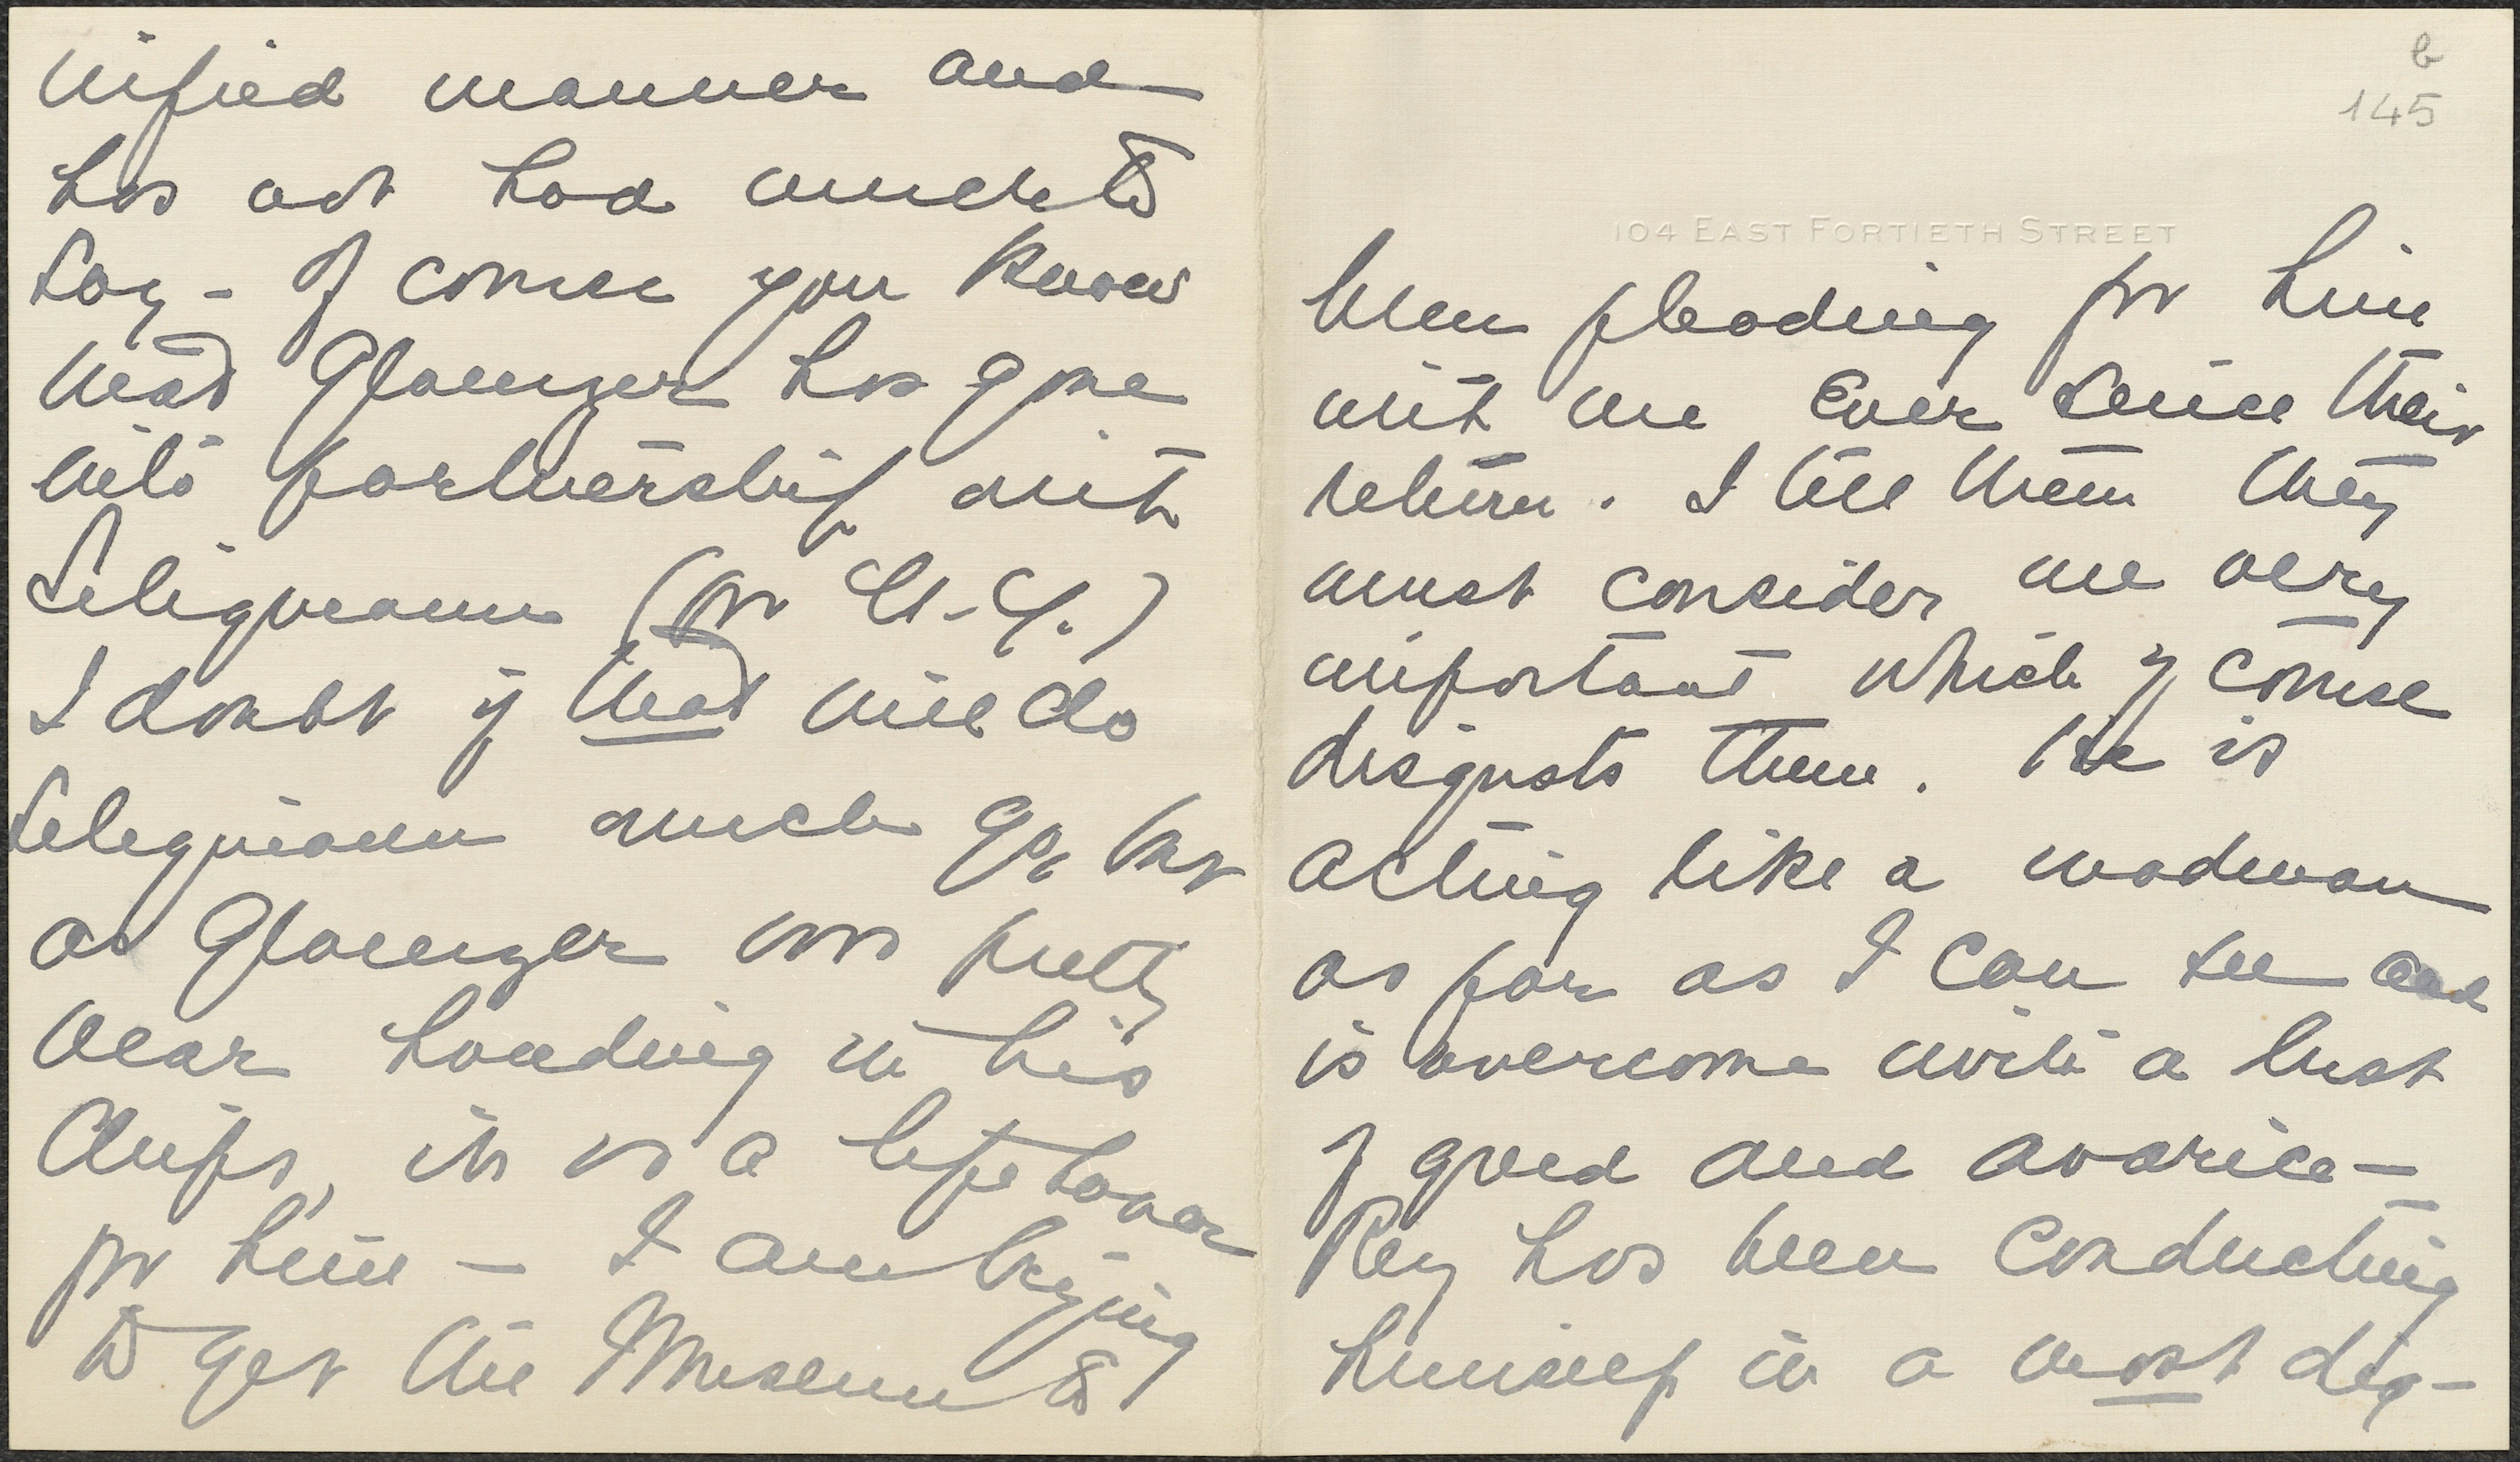been pleading for him with me ever since their return. I tell them they must consider me very important which of course disgusts them. He is acting like a madman as far as I can see and is overcome with a lust of greed and avarice – Rey has been conducting himself in a most dignified
manner and has not had much to say – of course you know that Glaenzer has gone into partnership with Seligmann (for N. Y.)
I doubt if that will do Seligmann much good, but as Glaenzer was pretty near handing in his chips, it is a life saver for him – I am trying to get the Museum to